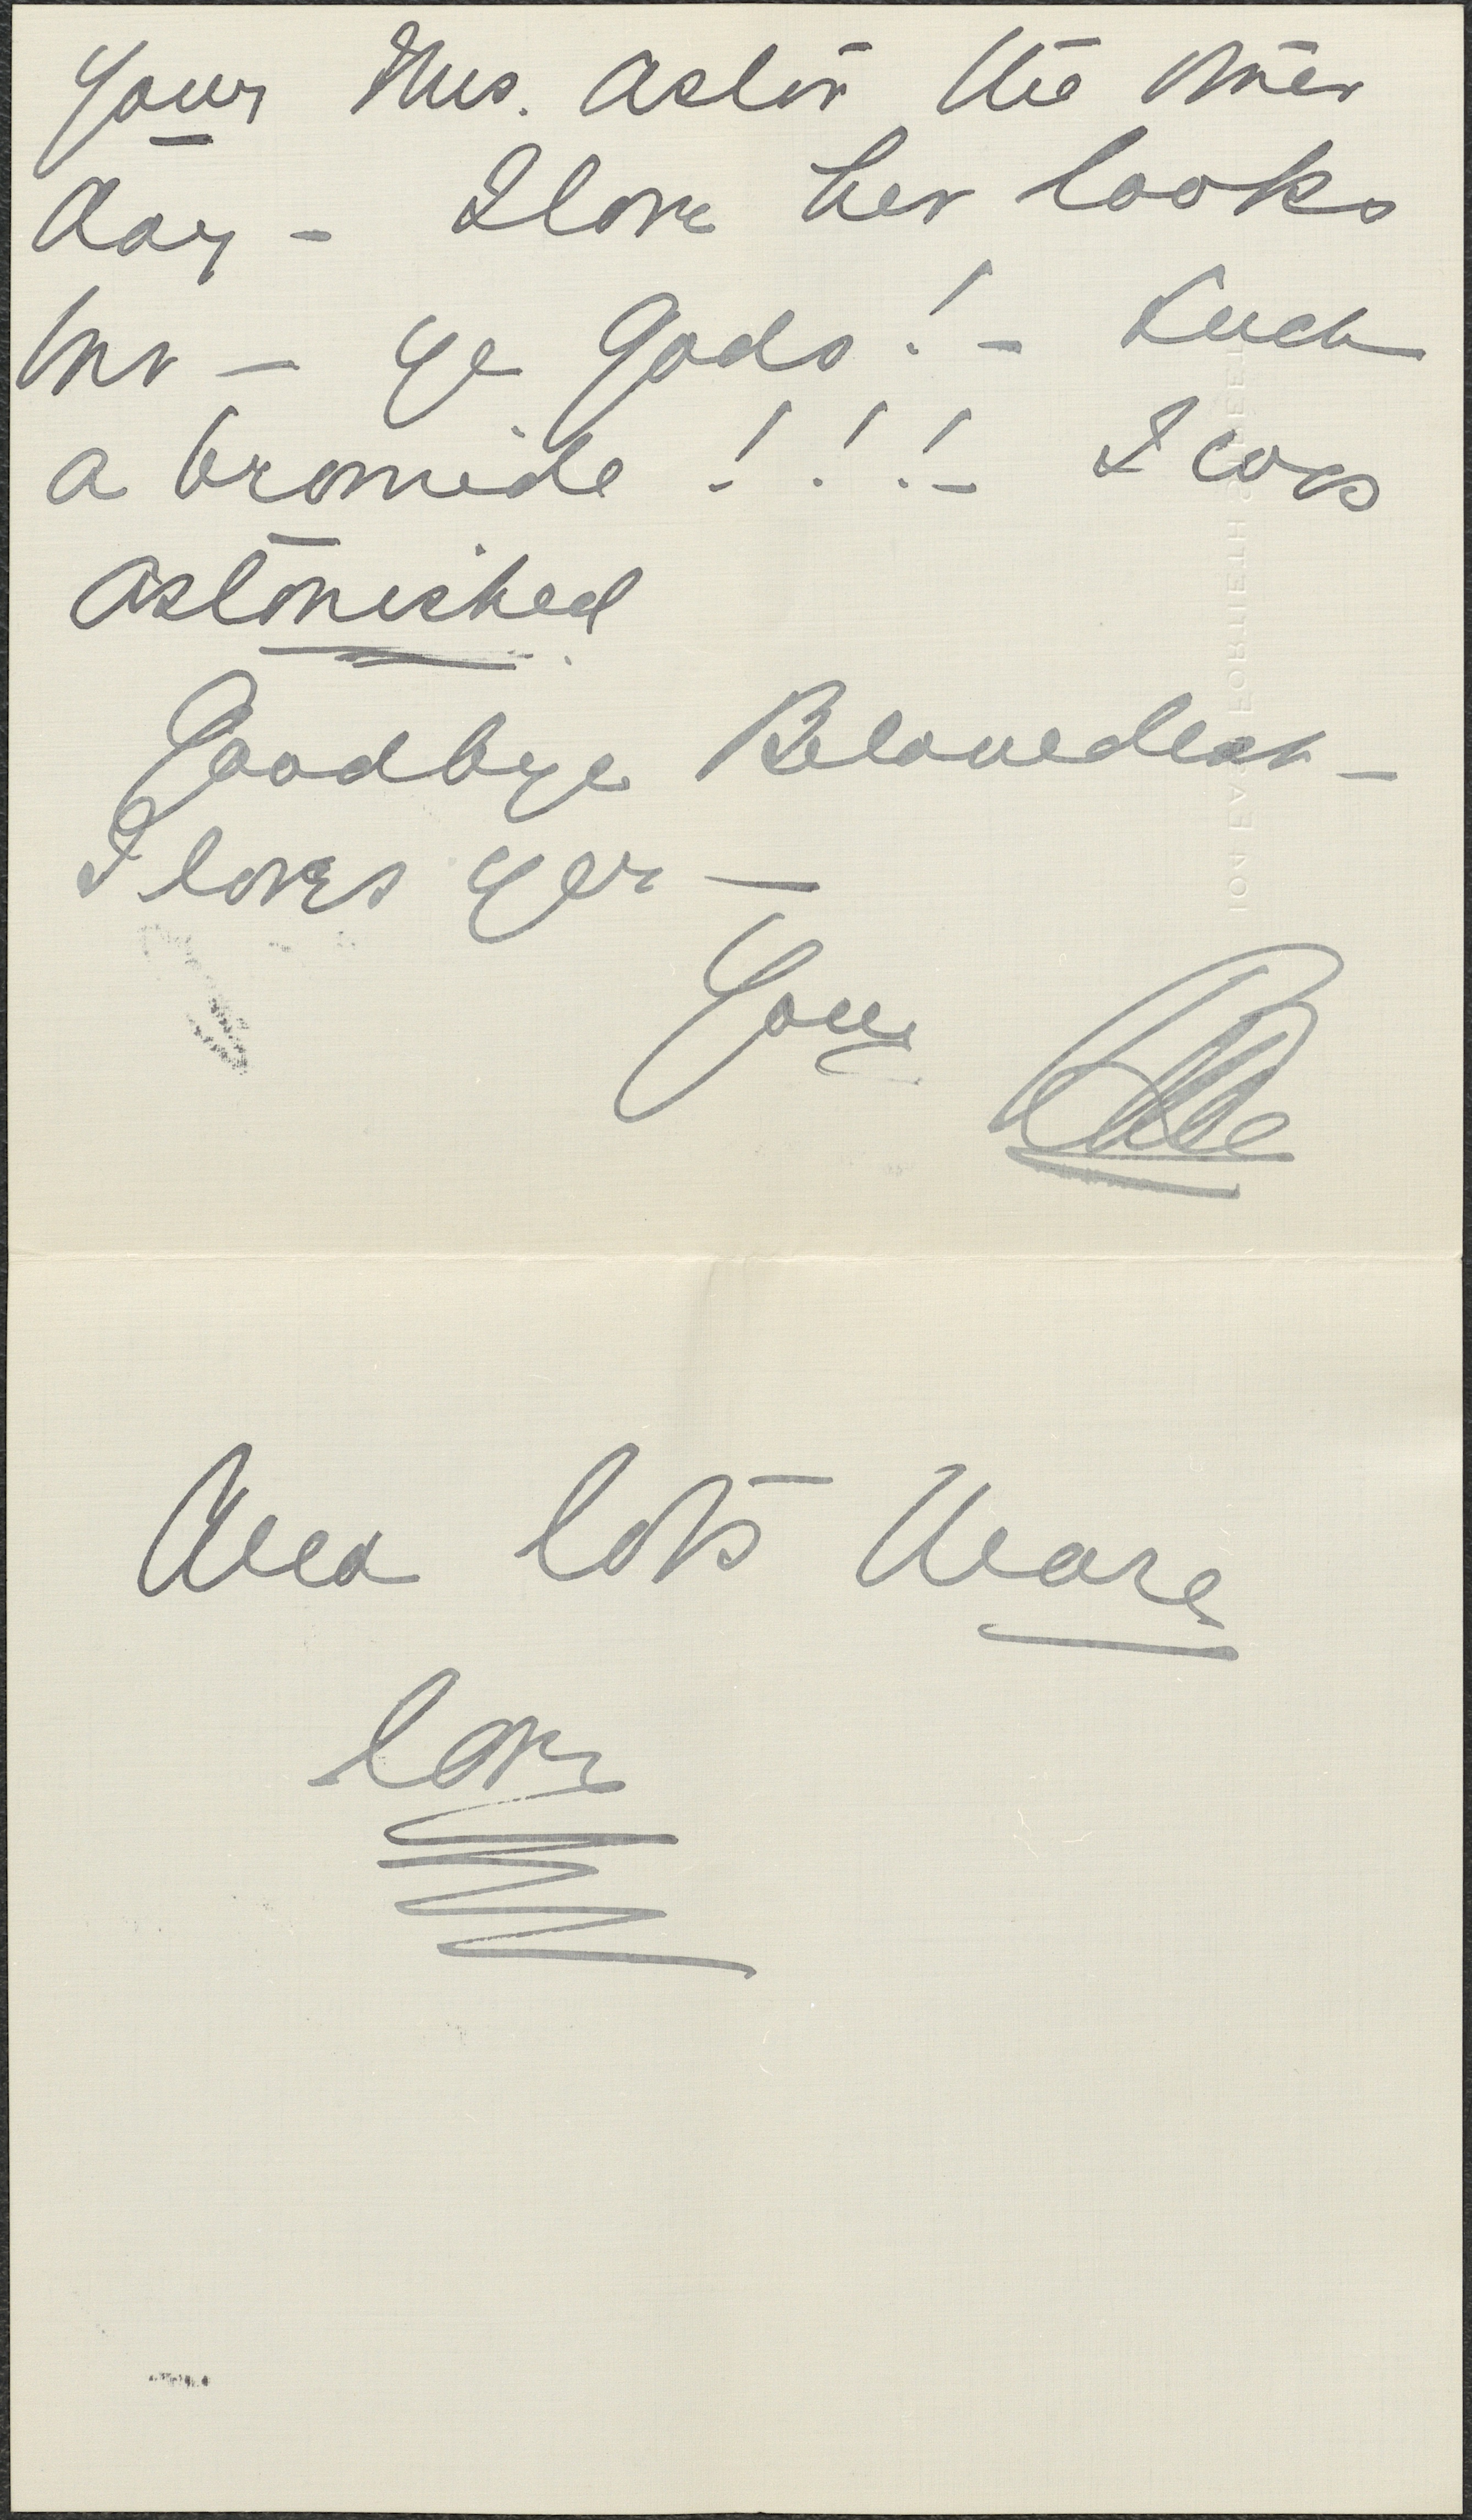your Mrs. Astor the other day – I love her looks but – ye Gods! – such a bromide!!! – I was astonished
Goodbye Belovedest – I loves yer –
Your Belle
And lots more
[underlined multiple times: love]